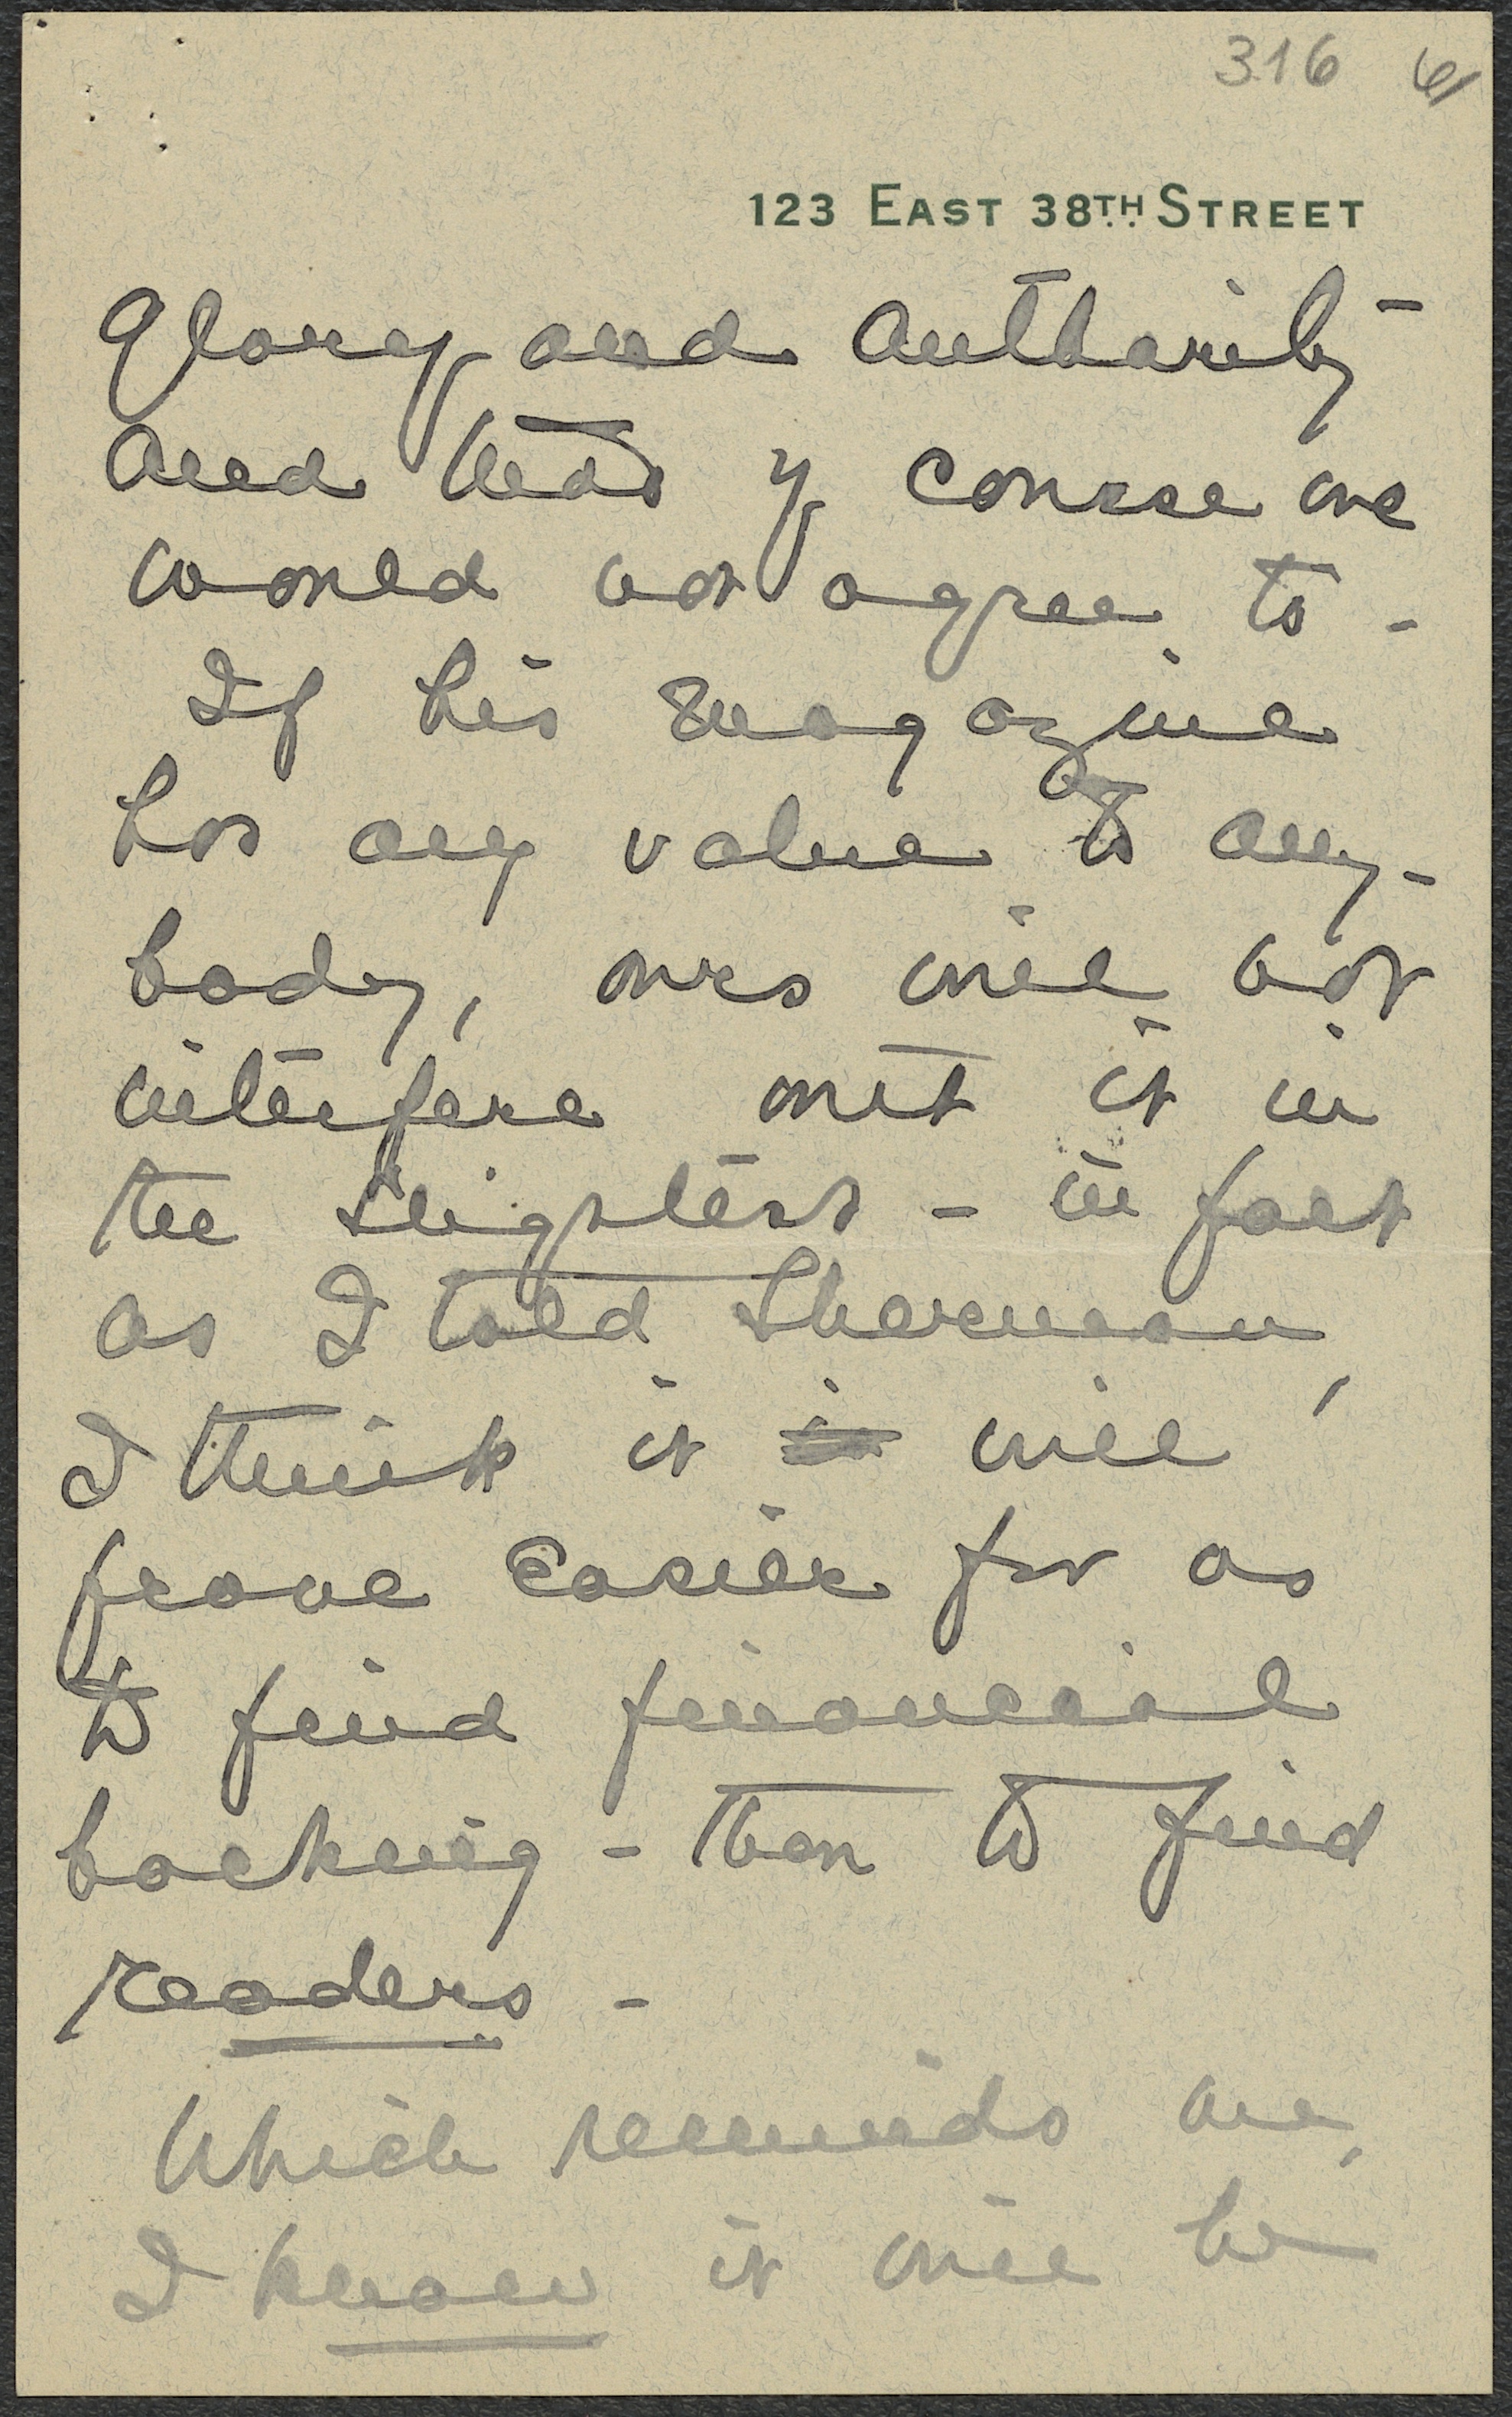glory and authority and that of course we would not agree to –
If his magazine has any value to anybody, ours will not interfere with it in the slightest – in fact as I told Sherman, I think it is will prove easier for us to find financial backing – than to find readers –
Which reminds me, I know it will be